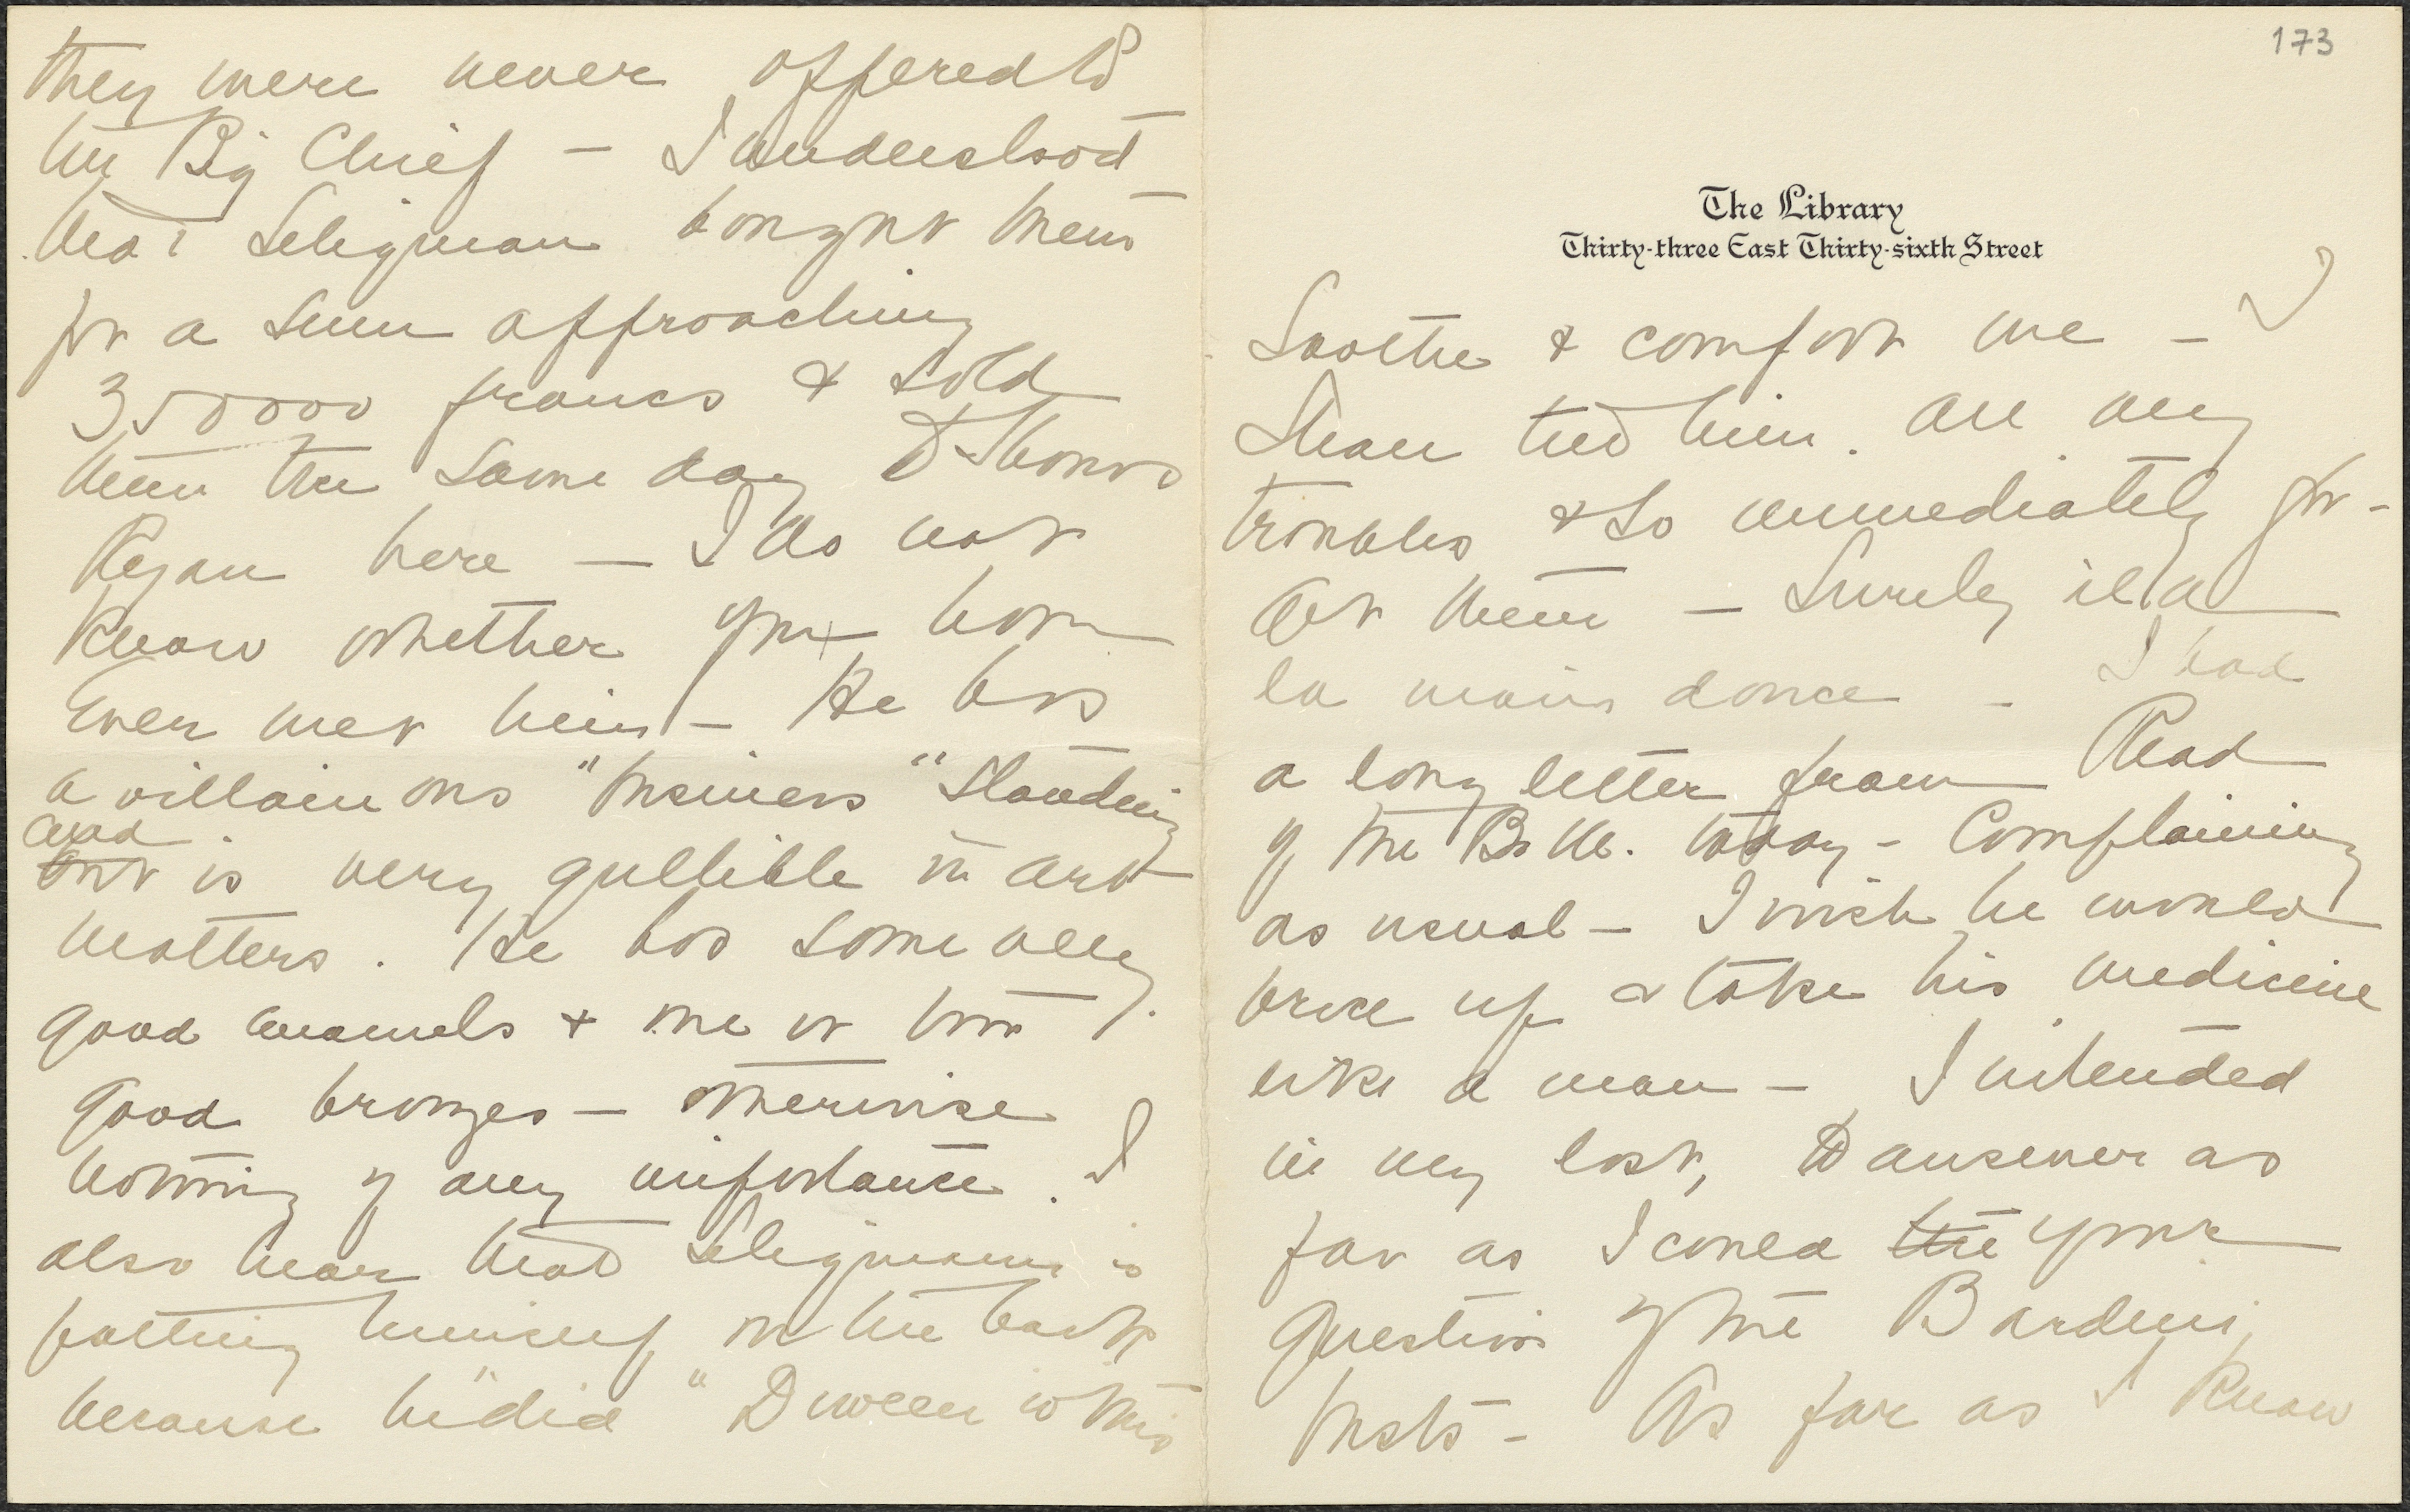soothe & comfort me – I shall tell him all my troubles & so immediately forget them – Surely il a la mains douce – I had a long letter from Read of the B.M. today – Complaining as usual – I wish he would brace up & take his medicine like a man – I intended in my last, to answer as far as I could the your question of the Bardini busts – As far as I know
they were never offered to The Big Chief – I understood that Seligman bought them for a sum approaching 350000 francs & sold them the same day to Thomas Ryan here – I do not know whether you have ever met him – He has a villainous “business” standing but ˆandˆ is very gullible in art matters. He has some very good enamels & one or two good bronzes – otherwise nothing of any importance. I also hear that Seligmann is patting himself on the back because he “did” Duveen in this